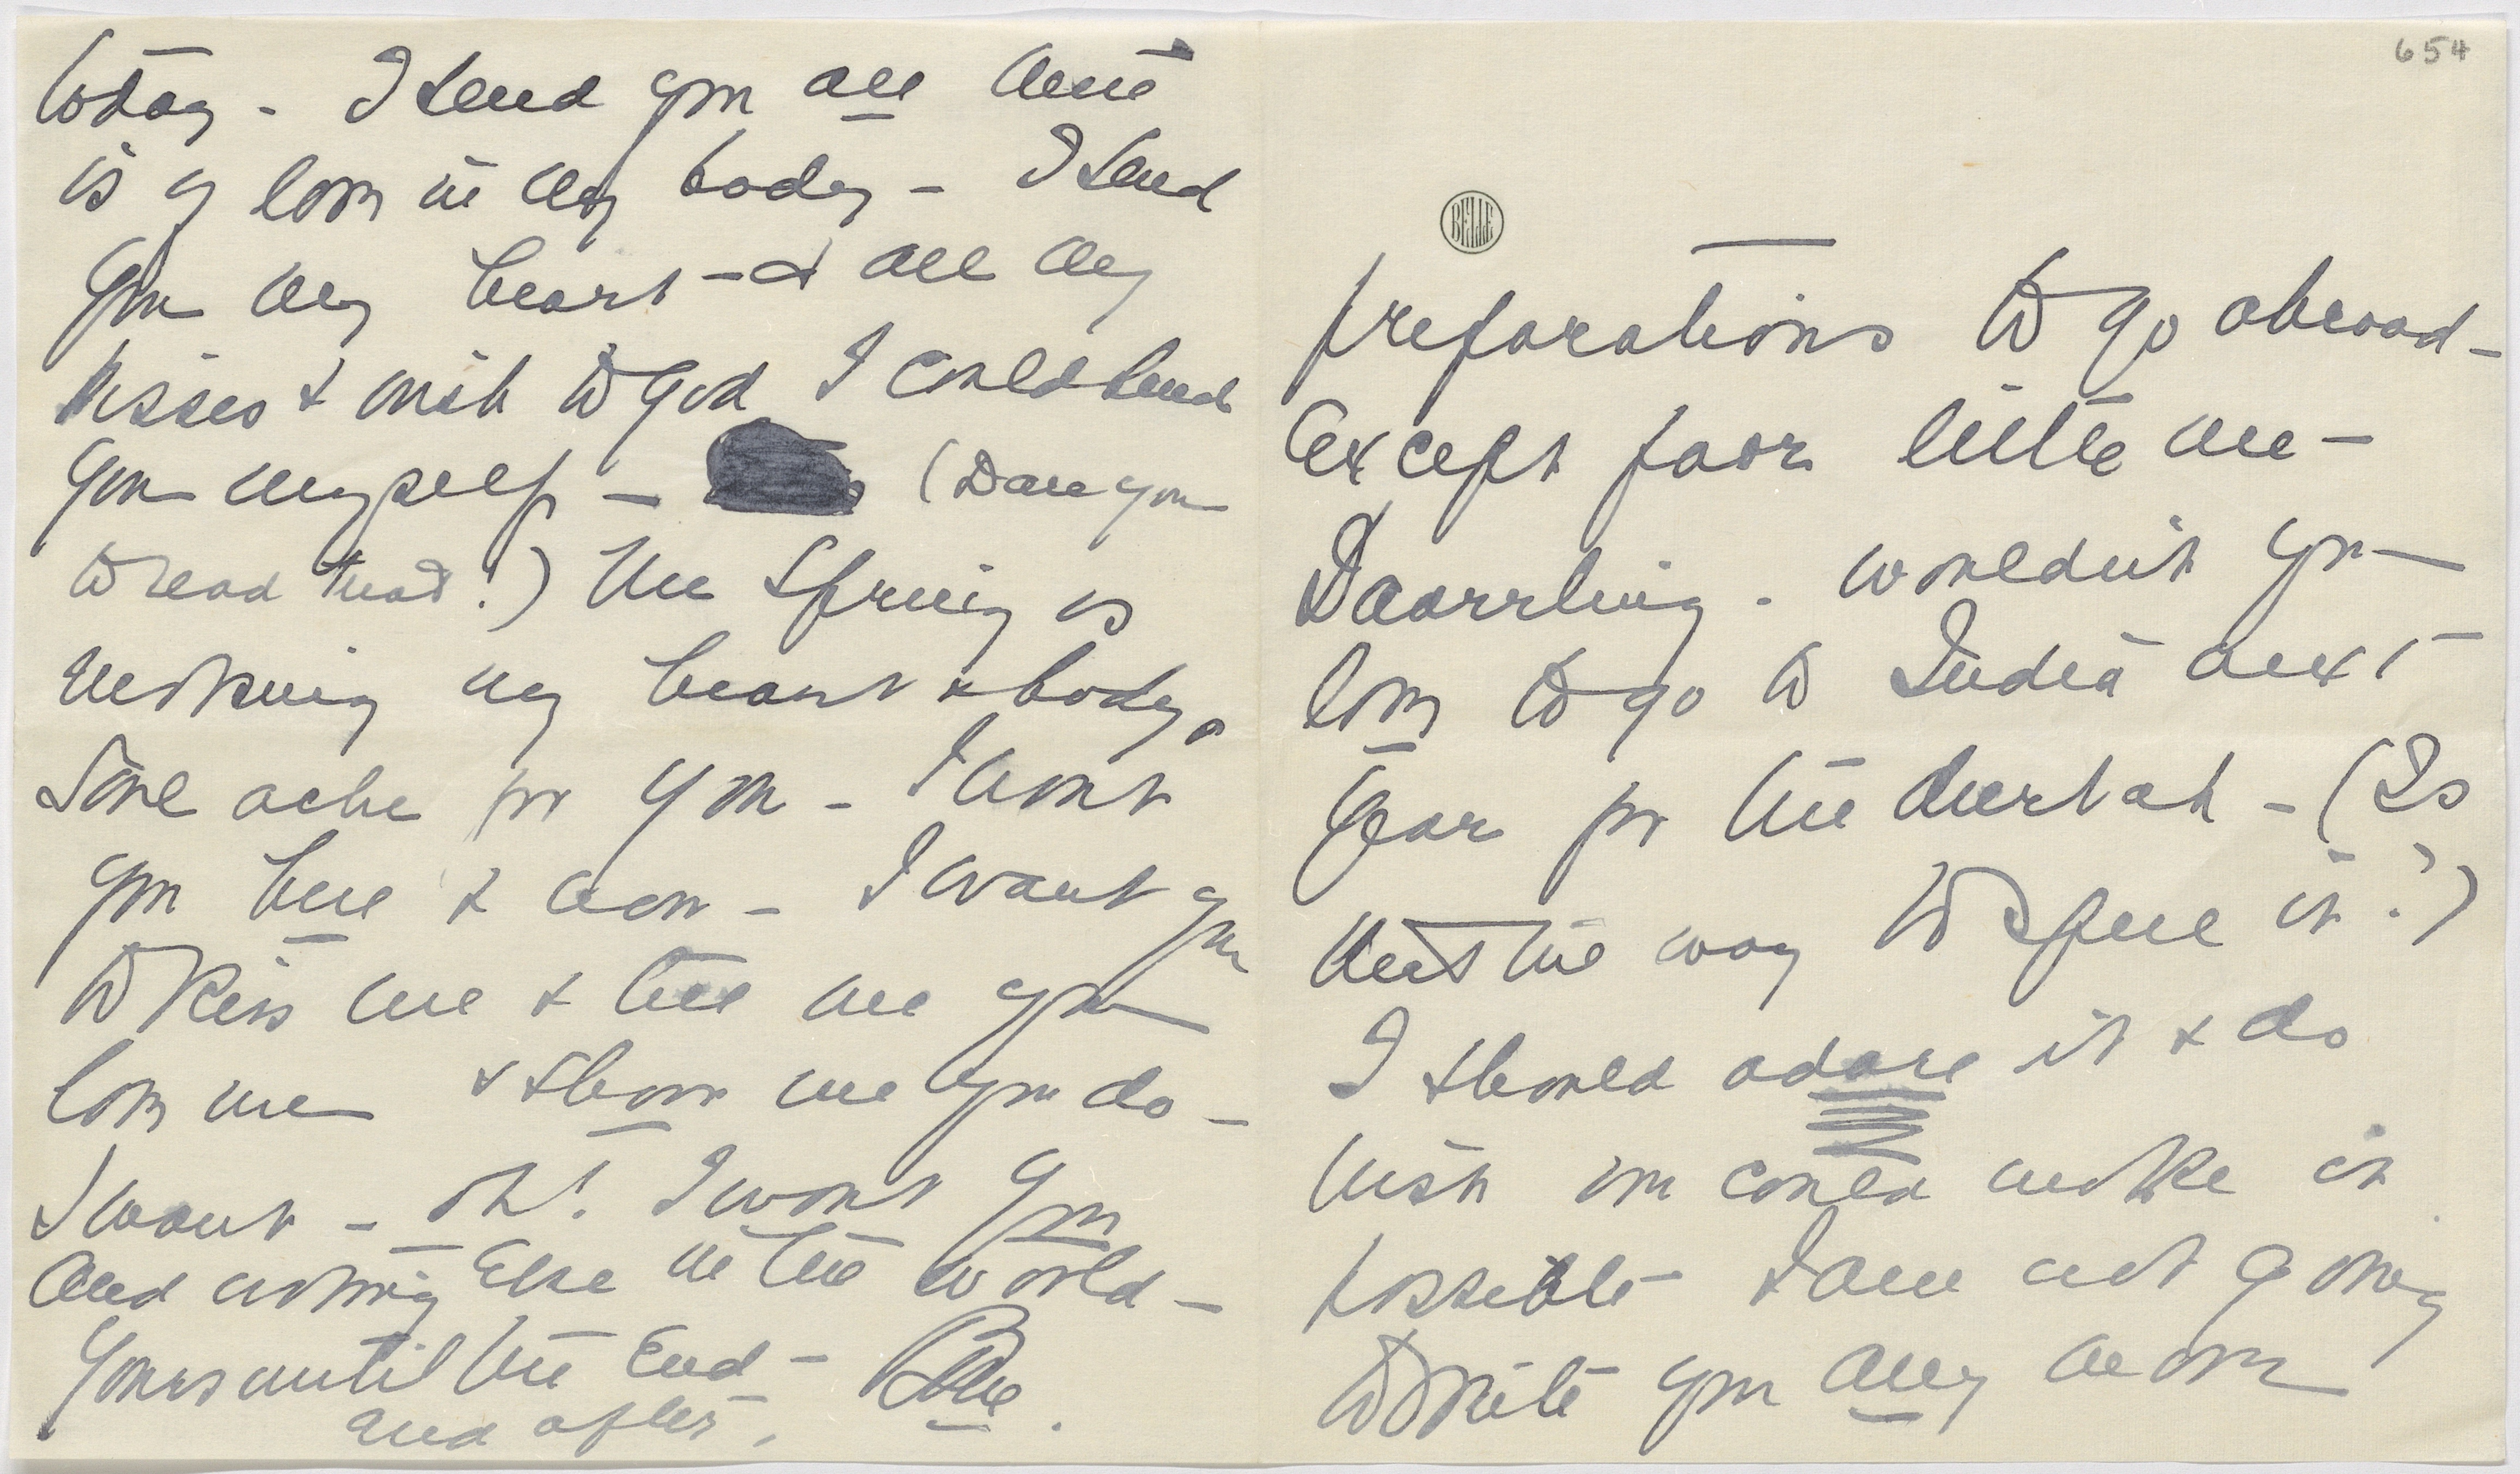preparations to go abroad – except poor little me –
Daarrling – wouldn’t you love to go to India next year for the durbah – (Is that the way to spell it?) I should [sextuple underlined: adore] it & do wish you could make it possible – I am not going to write you any more
today – I send you all there is of love in my body – I send you my heart – & all my kisses & wish to God I could send you myself – [illegible deletion] (Dare you to read that!) The Spring is making my heart & body & soul ache for you – I want you here & now – I want you to kiss me & tell me you love me & show me you do – I want – oh! I want you and nothing else in the world – Yours until the end – [^and after,^] Belle.